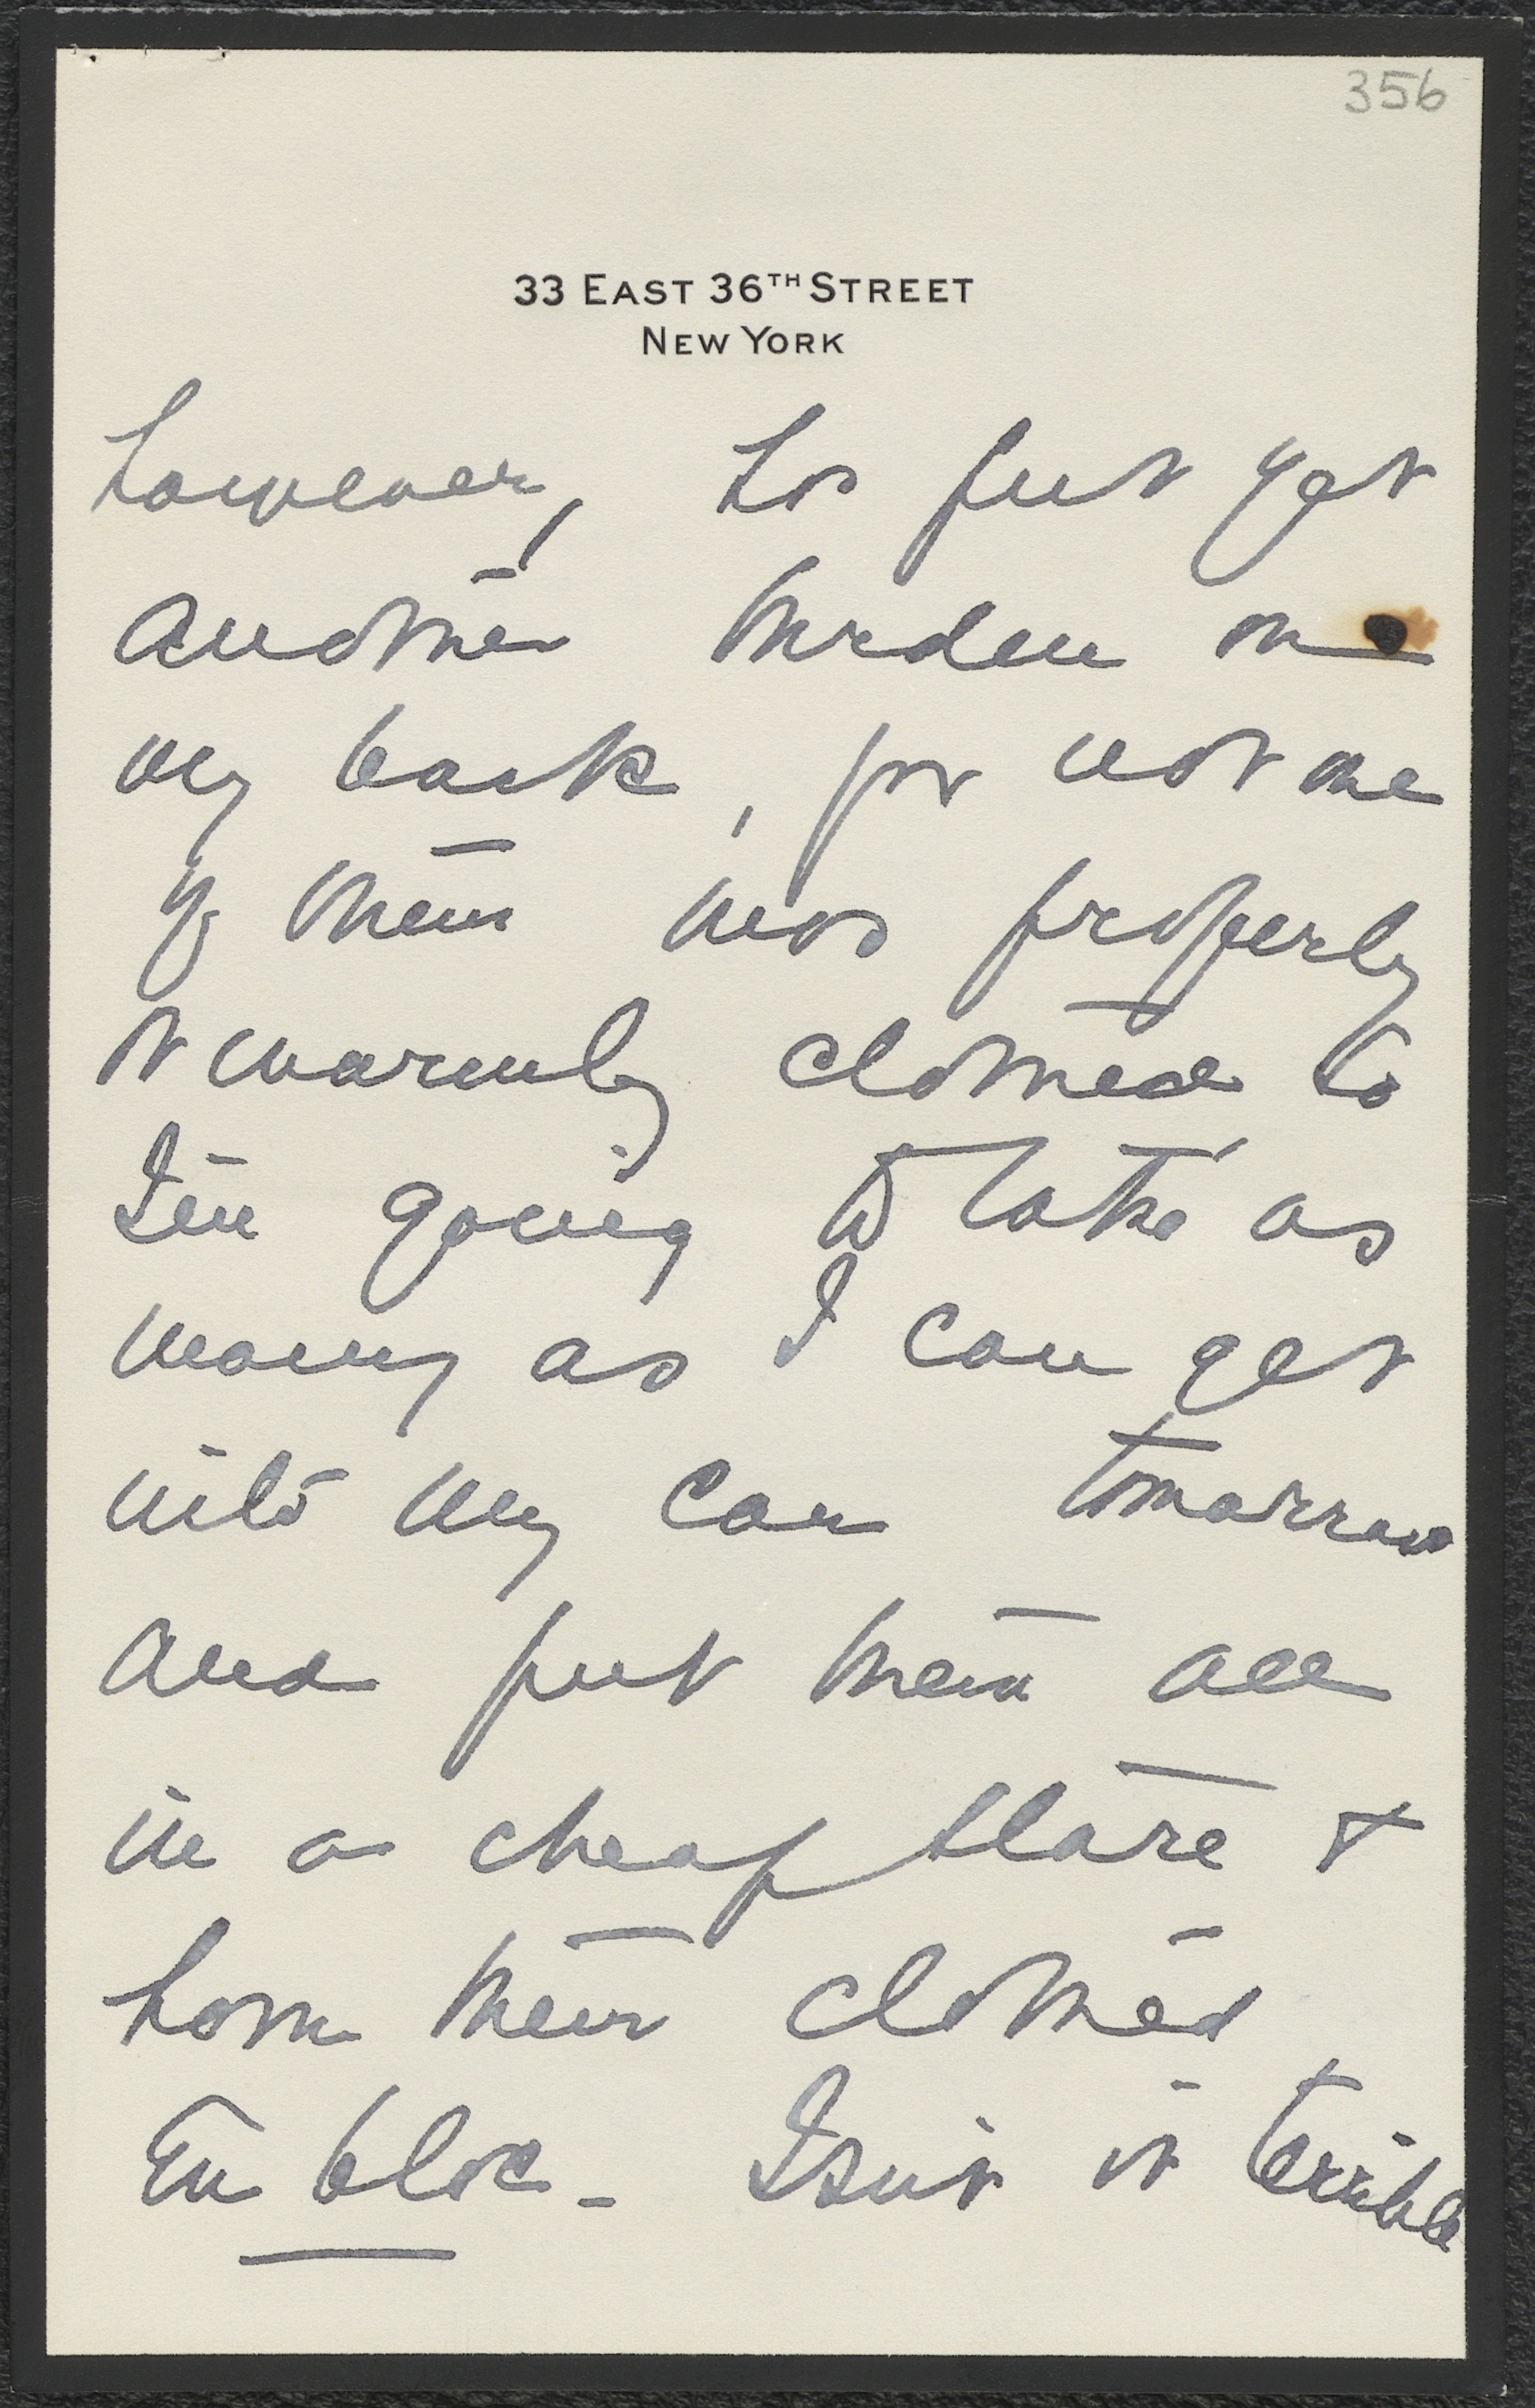however, has put yet another burden on my back, for not one of them was properly or warmly clothed so I’m going to take as many as I can get into my car tomorrow and put them all in a cheap store & have them clothed en bloc. Isn’t it terrible